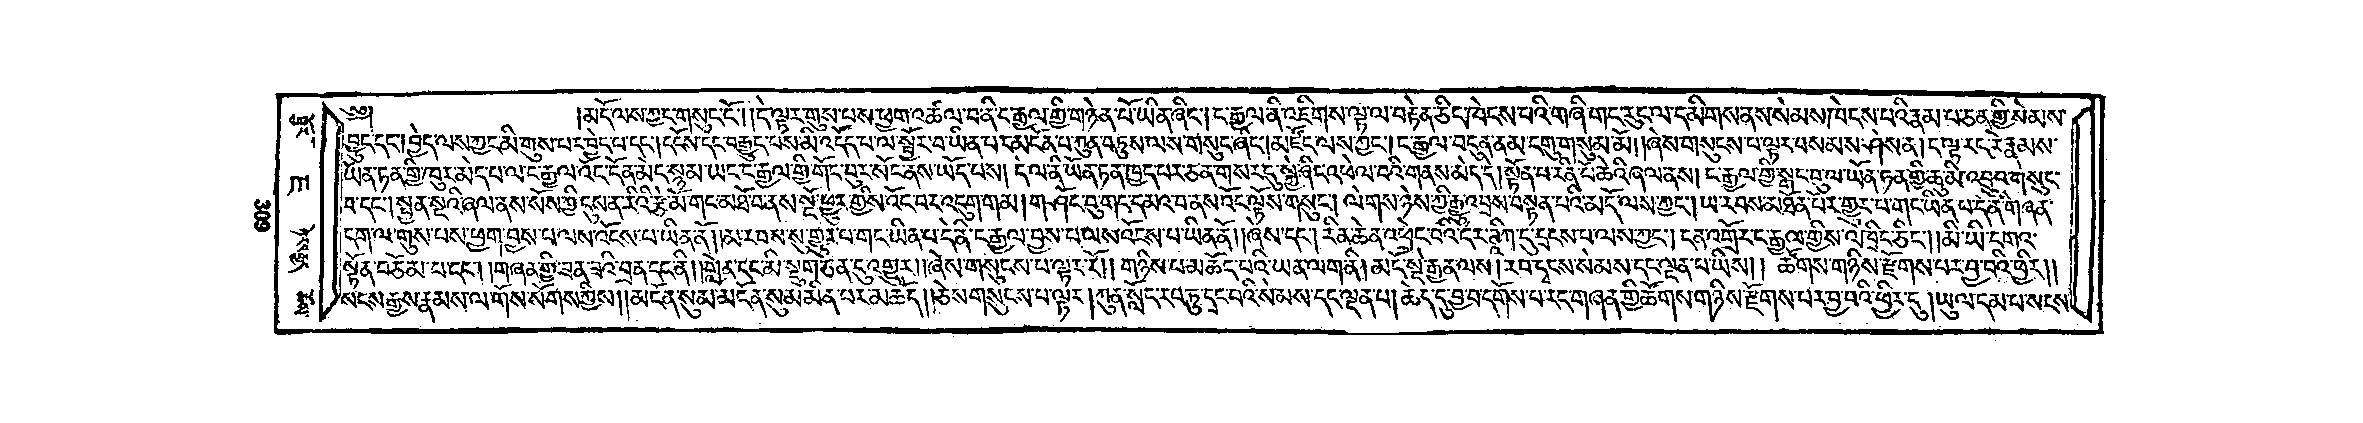༄༅། །མདོ་ལས་ཀྱང་གསུང་ངོ། །དེ་ལྟར་གུས་པས་ཕྱག་འཚལ་བ་ནི་ང་རྒྱལ་གྱི་གཉེན་པོ་ཡིན་ཞིང་། ང་རྒྱལ་ནི་འཇིགས་ལྟ་ལ་བརྟེན་ཅིང་ཁེངས་པའི་གཞི་གང་རུང་ལ་དམིགས་ནས་སེམས་ཁེངས་པའི་རྣམ་པ་ཅན་གྱི་སེམས་
བྱུང་དང་། བྱེད་ལས་ཀྱང་མི་གུས་པར་བྱེད་པ་དང་། དངོས་དང་བརྒྱུད་པས་མི་འདོད་པ་ལ་སྦྱོར་བ་ཡིན་པར་མངོན་པ་ཀུན་བཏུས་ལས་གསུང་ཞིང་། མཛོད་ལས་ཀྱང་། ང་རྒྱལ་བདུན་ནམ་དགུ་གསུམ་མོ། །ཞེས་གསུངས་པ་ལྟར་བསམས་ཤེས་ན། ད་ལྟ་རང་རེ་རྣམས་
ཡོན་ཏན་གྱི་ཁུར་མེད་པ་ལ་ང་རྒྱལ་འོང་དོན་མེད་སྙམ་ཡང་ང་རྒྱལ་གྱི་གོང་པུར་སོང་ནས་ཡོད་པས། དེ་ལ་ནི་ཡོན་ཏན་ཁྱད་པར་ཅན་གསར་དུ་སྐྱེ་ཞིང་འཕེལ་བའི་གནས་མེད་དེ། སྟོན་པ་རིན་པོ་ཆེའི་ཞལ་ནས། ང་རྒྱལ་གྱི་སྒང་བུ་ལ་ཡོན་ཏན་གྱི་ཆུ་མི་འབྲུབ་གསུང་
པའ་སྤྱན་སྔའི་ཞལ་ནས་སོས་ཀྱི་དུས་ན་རིའི་རྩེ་མོ་གང་མཐོ་བ་ནས་སྔོ་ཕྱུར་གྱིས་འོང་བར་འདུག་གམ། གཤོང་བུ་གང་དམའ་བ་ནས་འོང་ལྟོས་གསུང་། ལེགས་ཉེས་ཀྱི་རྒྱུ་འབྲས་བསྟན་པའི་མདོ་ལས་ཀྱང་། ཡ་རབས་མཐོན་པོར་གྱུར་པ་གང་ཡིན་པ་དེ་ནི་གཞན་
དག་ལ་གུས་པས་ཕྱག་བྱས་པ་ལས་འོངས་པ་ཡིན་ནོ། །མ་རབས་སུ་གྱུར་པ་གང་ཡིན་པ་དེ་ནི་ང་རྒྱལ་བྱས་པ་ལས་འོངས་པ་ཡིན་ནོ། །ཞེས་དང་། རིན་ཆེན་འཕྲེང་བའི་དར་ཊཱིཀ་དུ་དྲངས་པ་ལས་ཀྱང་། ངན་འགྲོར་ང་རྒྱལ་གྱིས་འཁྲིད་ཅིང་། །མི་ཡི་དགའ་
སྟོན་བཅོམ་པ་དང་། །གཞན་གྱི་ཟན་ཟའི་བྲན་དང་ནི། །གླེན་དང་མི་སྡུག་ཅན་དུ་འགྱུར། །ཞེས་གསུངས་པ་ལྟར་རོ། །གཉིས་པ་མཆོད་པའི་ཡན་ལག་ནི། མདོ་སྡེ་རྒྱན་ལས། རབ་དྭངས་སེམས་དང་ལྡན་པ་ཡིས། །ཚོགས་གཉིས་རྫོགས་པར་བྱ་བའི་ཕྱིར། །
སངས་རྒྱས་རྣམས་ལ་གོས་སོགས་ཀྱིས། །མངོན་སུམ་མངོན་སུམ་མིན་པར་མཆོད། །ཅེས་གསུངས་པ་ལྟར། ཀུན་སློང་རབ་ཏུ་དྲང་བའི་སེམས་དང་ལྡན་པ། ཆེད་དུ་བྱ་བ་དགོས་པ་རང་གཞན་གྱི་ཚོགས་གཉིས་རྫོགས་པར་བྱ་བའི་ཕྱིར་དུ། ཡུལ་དམ་པ་སངས་